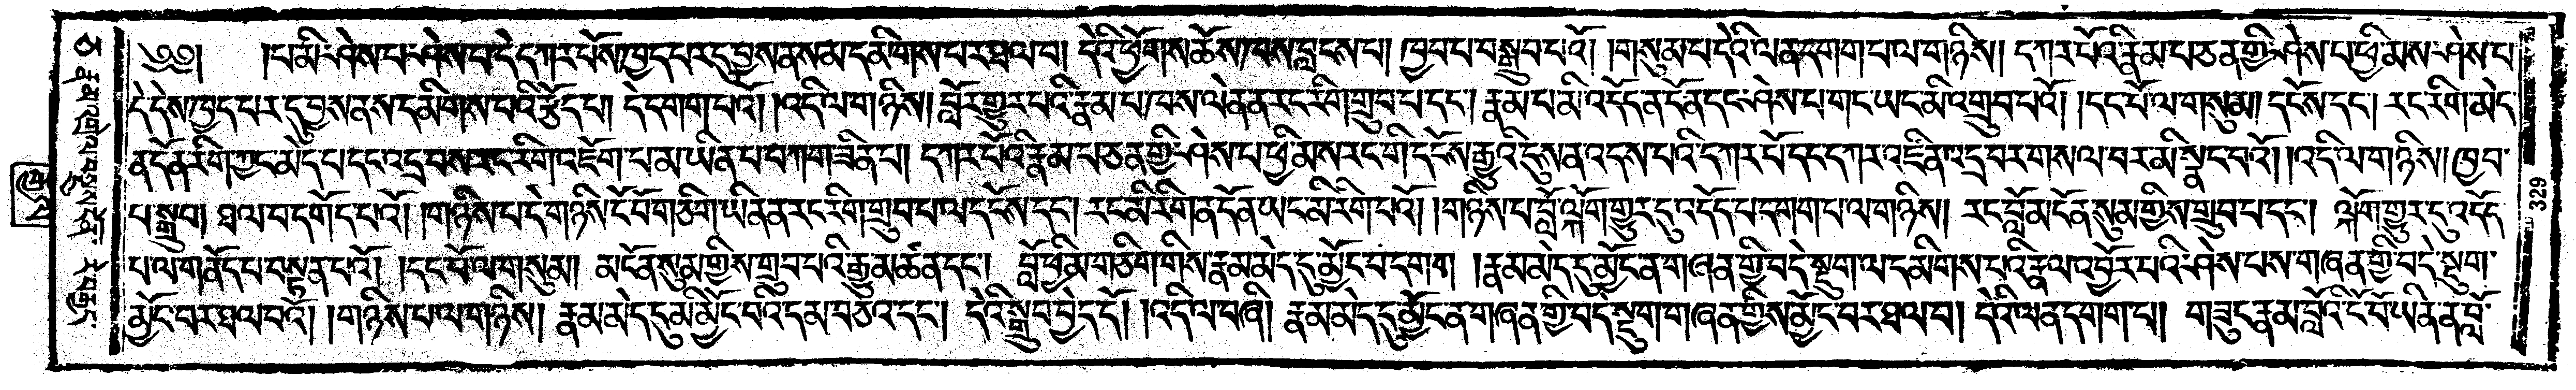༄༅། །པ་མི་ཤེས་པ་ཤེས་པ་དེ་དཀར་པོས་ཁྱད་པར་དུ་བྱས་ནས་མ་དམིགས་པར་ཐལ་བ། དེའི་ཕྱོགས་ཆོས་ཁས་བླངས་པ། ཁྱབ་པ་བསྒྲུབ་པའོ། །གསུམ་པ་དེའི་ལན་དགག་པ་ལ་གཉིས། དཀར་པོའི་རྣམ་པ་ཅན་གྱི་ཤེས་པ་ཕྱི་མས་ཤེས་པ་
དེ་དེས་ཁྱད་པར་དུ་བྱས་ནས་དམིགས་པའི་རྩོད་པ། དེ་དགག་པའོ། །འདི་ལ་གཉིས། བློར་གྱུར་པའི་རྣམ་པ་ཁས་ལེན་ན་རང་རིག་གྲུབ་པ་དང་། རྣམ་པ་མི་འདོད་ན་དོན་དང་ཤེས་པ་གང་ཡང་མི་འགྲུབ་པའོ། །དང་པོ་ལ་གསུམ། དངོས་དང་། རང་རིག་མེད་
ན་དོན་རིག་ཀྱང་མེད་པ་དང་འདྲ་བས་རང་རིག་འཇོག་པ་མ་ཡིན་པ་བཀག་ཟིན་པ། དཀར་པོའི་རྣམ་པ་ཅན་གྱི་ཤེས་པ་ཕྱི་མས་རང་གི་དངོས་རྒྱུའི་དུས་ན་འདས་པའི་དཀར་པོ་དང་དཀར་འཛིན་འདྲ་བར་གསལ་བར་མི་སྣང་བའོ། །འདི་ལ་གཉིས། ཁྱབ་
པ་སྒྲུབ། ཐལ་བ་དགོད་པའོ། །གཉིས་པ་དེ་གཉིས་ངོ་བོ་གཅིག་ཡིན་ན་རང་རིག་གྲུབ་པ་ལ་དངོས་དང་། རང་མི་རིག་ན་དོན་ཡང་མི་རིག་པའོ། །གཉིས་པ་བློ་ལྐོག་གྱུར་དུ་འདོད་པ་དགག་པ་ལ་གཉིས། རང་བློ་མངོན་སུམ་གྱིས་གྲུབ་པ་དང་། ལྐོག་གྱུར་དུ་འདོད་
པ་ལ་གནོད་པ་བསྟན་པའོ། །དང་པོ་ལ་གསུམ། མངོན་སུམ་གྱིས་གྲུབ་པའི་རྒྱུ་མཚན་དང་། བློ་ཕྱི་མ་གཅིག་གིས་རྣམ་མེད་དུ་མྱོང་བ་དགག །རྣམ་མེད་དུ་མྱོང་ན་གཞན་གྱི་བདེ་སྡུག་ལ་དམིགས་པའི་རྣལ་འབྱོར་པའི་ཤེས་པས་གཞན་གྱི་བདེ་སྡུག་
མྱོང་བར་ཐལ་བའོ། །གཉིས་པ་ལ་གཉིས། རྣམ་མེད་དུ་མི་མྱོང་བའི་དམ་བཅའ་དང་། དེའི་སྒྲུབ་བྱེད་དོ། །འདི་ལ་བཞི། རྣམ་མེད་དུ་མྱོང་ན་གཞན་གྱི་བདེ་སྡུག་གཞན་གྱིས་མྱོང་བར་ཐལ་བ། དེའི་ལན་དགག་པ། གཟུང་རྣམ་བློའི་ངོ་བོ་ཡིན་ན་བློ་